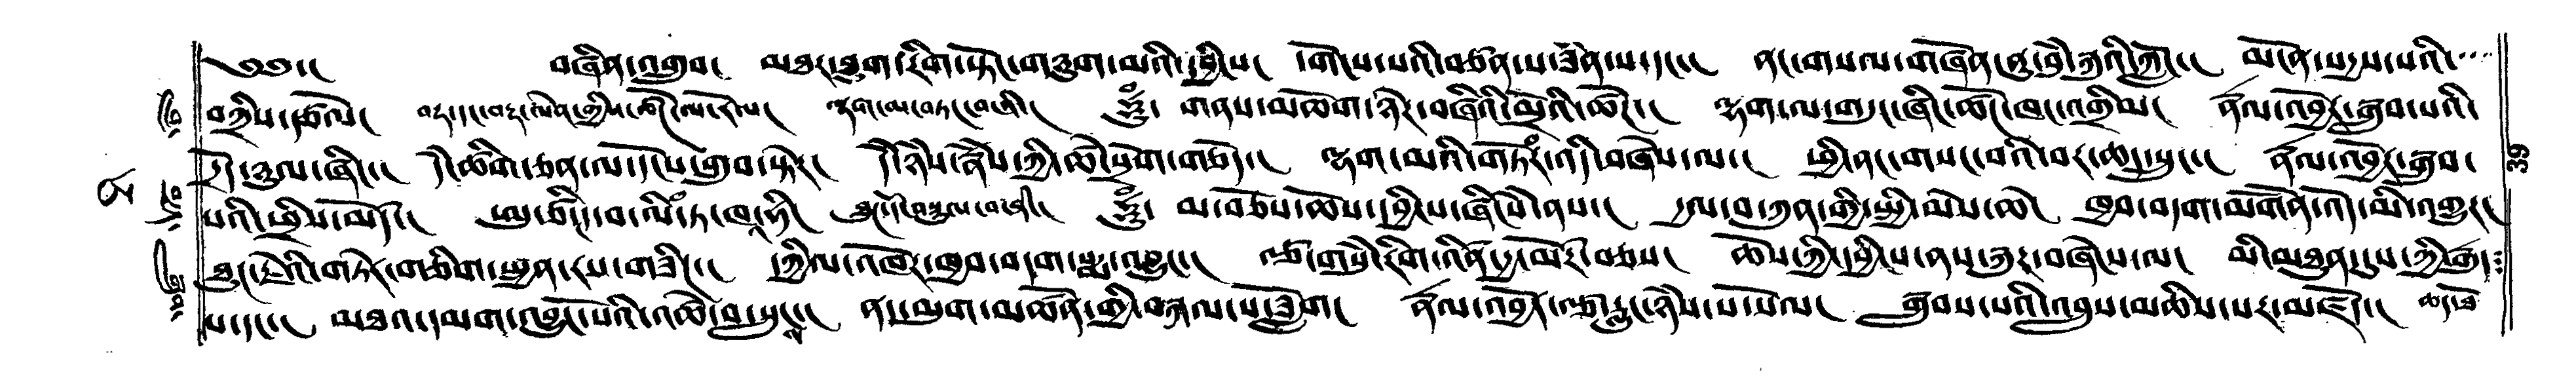བཞིན་འགྲུབ། །མཐར་ཐུག་རིག་སྟོང་གཉུག་མའི་དབྱིངས། །དགོངས་པའི་བཙན་ས་ཟིན་པ་དག །ནང་གསལ་གཞོན་ནུ་བུམ་སྐུའི་ཀློང་། །མངོན་སངས་རྒྱས་པའི་
བཀྲ་ཤིས་སྩོལ། བརྡ་དང་བརྡ་ལེན་གྱིས་ཚོགས་ལ་རོལ། ལྷག་མ་གཏོང་བ་ནི། ཧཱུྃ། གནས་མཆོག་ཉེར་བཞིའི་མཁའ་འགྲོ་ཚོགས། །ལྷག་ལ་དུང་ཞིང་ཚོགས་ཁང་འགྲིམ། །རྣལ་འབྱོར་སྒྲུབ་པའི་
དྲོད་ཉུལ་ཞིང་། །དམ་ཚིག་ཅན་ལ་དངོས་གྲུབ་སྟེར། །དམ་ཉམས་རྣམས་ཀྱི་ཚེ་སྲོག་གཅོད། །ལྷག་མའི་གཏོར་མ་འདི་བཞེས་ལ། །ཕྱི་ནང་གསང་བའི་བར་ཆད་སྲུངས། རྣལ་འབྱོར་སྒྲུབ་
པའི་ཕྲིན་ལས་མཛོད། །ཨུ་ཙྪིཥྚ་བ་ལིངྟ་ཁཱ་ཧིཿ ཐུགས་དམ་སྐུལ་བ་ནི། ཧཱུྃ། མ་བཅོས་ཆོས་དབྱིངས་ཞིང་ཁམས་ནས། །རྒྱལ་བ་ཀུན་གྱི་སྤྱི་མེས་ཆེ། ཁྱབ་བདག་མགོན་པོ་འོད་མི་འགྱུར། །
ཐུགས་རྗེའི་གཏེར་གཅིག་སྤྱན་རས་གཟིགས། །དཀྱིལ་འཁོར་ཁྱབ་བདག་པདྨ་འབྱུང་། །རྩ་གསུམ་རིག་འཛིན་རྒྱ་མཚོར་བཅས། །ཆོས་ཀྱི་དབྱིངས་ནས་སྐུར་བཞེངས་ལ། །མི་མཐུན་དུས་ཀྱི་རྒུད་
པ་དང་། །མཐའ་དམག་འབྱུང་པོའི་འཚེ་བ་སྲུངས། །ནད་མུག་མཚོན་གྱི་བསྐལ་པ་ཟློག །རྣལ་འབྱོར་རྩ་རླུང་ཉམས་པ་སོལ། །སྒྲུབས་པའི་འབྲས་བུ་མཆིས་པར་མཛོད། ཆད་ཐོ་